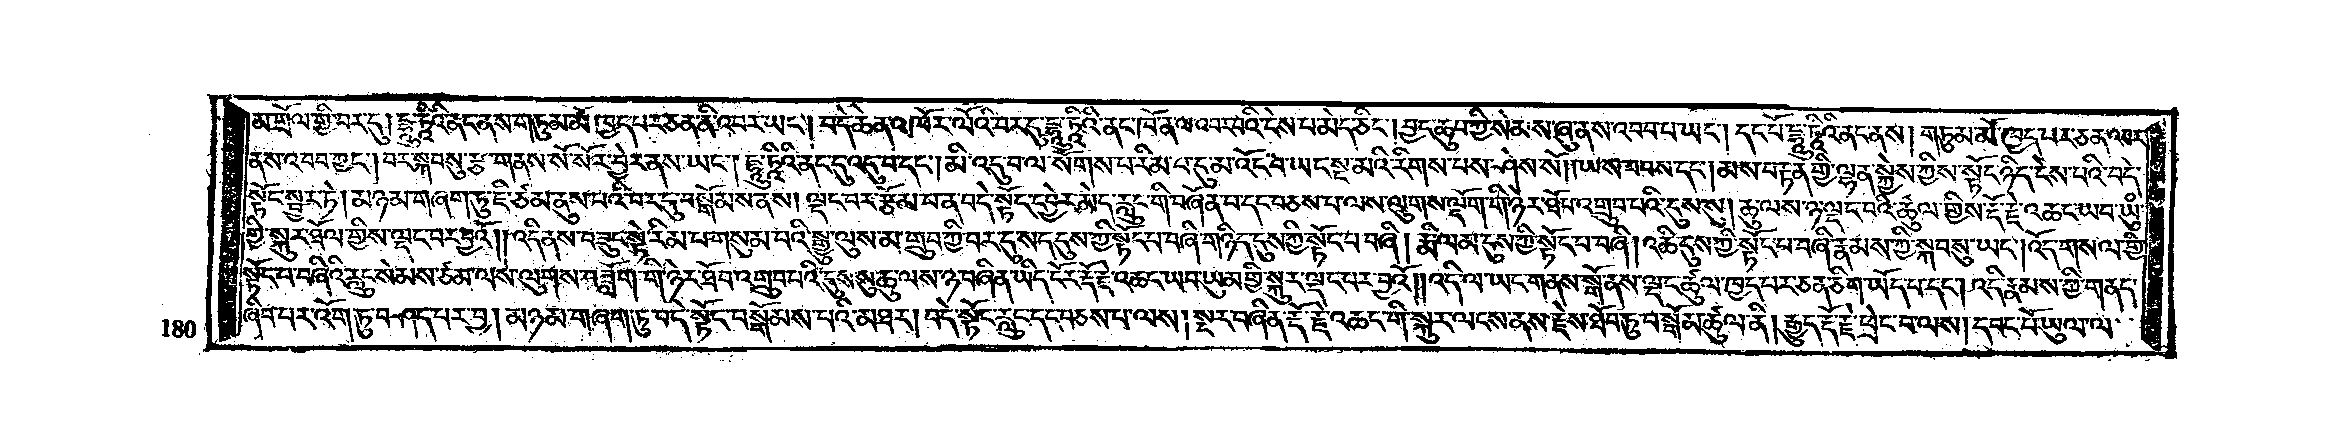མ་གྲོལ་གྱི་བར་དུ། དྷཱུ་ཏཱིའི་ནང་ནས་གཏུམ་མོ་ཁྱད་པར་ཅན་ནི་འབར་ཡང་། བདེ་ཆེན་འཁོར་ལོའི་བར་དུ་དྷཱུ་ཏཱིའི་ནང་ཁོ་ན་ལ་འབར་བའི་ངེས་པ་མེད་ཅིང་། བྱང་ཆུབ་ཀྱི་སེམས་ཞུ་ནས་འབབ་པ་ཡང་། དང་པོ་དྷཱུ་ཏཱིའི་ནང་ནས། གཏུམ་མོ་ཁྱད་པར་ཅན་འབར་
ནས་འབབ་ཀྱང་། བར་སྐབས་སུ་རྩ་གནས་སོ་སོར་བྱེར་ནས་ཡང་། དྷཱུ་ཏཱིའི་ནང་དུ་འདུ་བ་དང་། མི་འདུ་བ་ལ་སོགས་པ་རིམ་པ་དུ་མ་འོང་བ་ཡང་སྔ་མའི་རིགས་པས་ཤེས་སོ། །ཡས་བབས་དང་། མས་བརྟན་གྱི་ལྷན་སྐྱེས་ཀྱིས་སྟོང་ཉིད་ངེས་པའི་བདེ་
སྟོང་སྦྱར་ཏེ། མཉམ་གཞག་ཏུ་ཇི་ཙམ་ནུས་པའི་བར་དུ་བསྒོམས་ནས། ལྡང་བར་རྩོམ་པ་ན་བདེ་སྟོང་དབྱེར་མེད་རླུང་གི་བཞོན་པ་དང་བཅས་པ་ལས་ལུགས་ལྡོག་གི་ཉེར་ཐོབ་འགྲུབ་པའི་དུས་སུ། ཆུ་ལས་ཉ་ལྡང་བའི་ཚུལ་གྱིས་རྡོ་རྗེ་འཆང་ཡབ་ཡུམ་
གྱི་སྐུར་ཐོལ་གྱིས་ལྡང་བར་བྱའོ། །འདི་ནས་བཟུང་སྟེ་རིམ་པ་གསུམ་པའི་སྒྱུ་ལུས་མ་གྲུབ་ཀྱི་བར་དུ་སད་དུས་ཀྱི་སྟོང་པ་བཞི་གཉིད་དུས་ཀྱི་སྟོང་པ་བཞི། རྨི་ལམ་དུས་ཀྱི་སྟོང་པ་བཞི། འཆི་དུས་ཀྱི་སྟོང་པ་བཞི་རྣམས་ཀྱི་སྐབས་སུ་ཡང་། འོད་གསལ་གྱི་
སྟོང་པ་བཞིའི་རླུང་སེམས་ཙམ་ལས་ལུགས་བཟློག་གི་ཉེར་ཐོབ་འགྲུབ་པའི་དུས་སུ་ཆུ་ལས་ཉ་བཞིན་ཡིད་ངོར་རྡོ་རྗེ་འཆང་ཡབ་ཡུམ་གྱི་སྐུར་ལྡང་པར་བྱའོ། །འདི་ལ་ཡང་གནས་སྒོ་ནས་ལྡང་ཚུལ་ཁྱད་པར་ཅན་ཅིག་ཡོད་པ་དང་། འདི་རྣམས་ཀྱི་གནད་
ཞིབ་པར་འོག་ཏུ་བཤད་པར་བྱ། མཉམ་གཞག་ཏུ་བདེ་སྟོང་བསྒོམས་པའི་མཐར། བདེ་སྟོང་རླུང་དང་བཅས་པ་ལས། སྔར་བཞིན་རྡོ་རྗེ་འཆང་གི་སྐུར་ལངས་ནས་རྗེས་ཐོབ་ཏུ་བསྒོམ་ཚུལ་ནི། རྒྱུད་རྡོ་རྗེ་ཕྲེང་བ་ལས། དབང་པོ་ཡུལ་ལ་